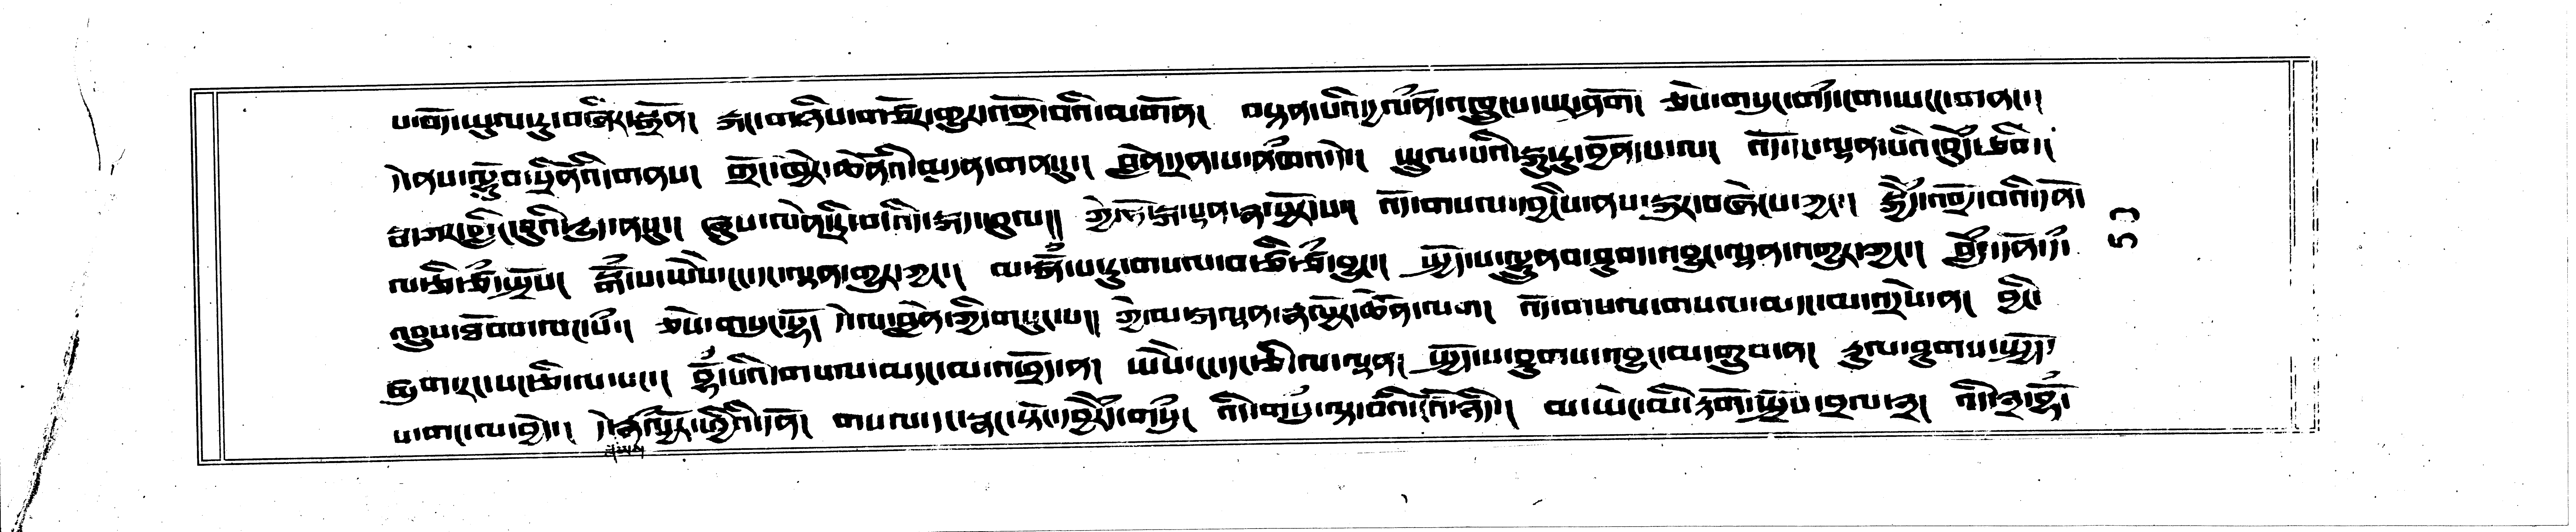པ་བོད་ཡུལ་རུ་བཞིར་སྒྲོན། རྐང་གཉིས་གཙོར་གྱུར་འགྲོ་བའི་མགོན། བསྟན་པའི་རྒྱལ་མཚན་འཁྲུངས་པར་ཤོག ཅེས་གསུངས་གདམས་ངག་ཡང་ཡང་གནང་། 
དེ་ནས་ལྷོ་ནུབ་སྲིན་པོའི་གནས། གྲོང་ཁྱེར་ཆེན་པོའི་མདུན་གནས་སུ། བླ་ཆེན་དྲན་པ་ནམ་མཁའ་དེ། སྤྲུལ་པའི་སྐུ་རུ་བྱོན་པ་ལ། འོད་དང་ལྡན་པའི་བུད་མེད་ཅིག །
སྦ་དཀར་གླིང་བུའི་རྒྱུད་ནས་སུ། ཞུས་ལན་དྲི་བ་འདི་སྐད་ཕུལ། ཀྱེ་ཧོ་སྐལ་ལྡན་རྣལ་འབྱོར་པ། འོད་གསལ་དབྱིངས་ནས་སྐུར་བཞེངས་པ། སྐྱེ་མེད་འགྲོ་བའི་དོན་
ལ་ཅི་ཙམ་སྤྲོས། སྒོམ་པ་ཡེ་ཤེས་ངང་དང་ལྡན་གྱུར་ཀྱང་། མ་སྒོམ་པ་རུ་གསལ་བ་ཅི་ཙམ་བྱུང་། སྤྱོད་པ་ལྷུན་གྲུབ་ཤུགས་འབྱུང་ལྡན་གྱུར་ཀྱང་། བླ་མེད་དོན་དམ་
འབྲས་བུ་ཐོབ་ལགས་སམ། ཅེས་གསུངས་སོ། །དེ་ལ་བླ་ཆེན་གྱིས་གསུངས་པ། ཀྱེ་མ་སྐལ་ལྡན་རྣལ་འབྱོར་ཆེན་པོ་ལགས། འོད་གསལ་གསལ་མདངས་མ་འདྲེས་ན། བྱིང་
རྨུག་རང་སངས་ཅི་ལ་སང་། སྒོམ་པའི་གསལ་མདངས་མ་འཕྲོད་ན། ཡེ་ཤེས་ངང་དང་ཅི་ལ་ལྡན། སྤྱོད་པ་ཤུགས་འབྱུང་མ་གྲུབ་ན། རྟུལ་ཤུགས་སྤྱོད་
པ་གང་ལ་བྱེད། དེ་རྣམས་རྣལ་འབྱོར་ཕྱི་ཡི་དོན། གསལ་དང་སྣང་སྟོང་དབྱེར་མེད་གསུམ། འདི་གསུམ་ལྟ་བའི་ངོ་བོ་ཉིད། མ་ཡེངས་མི་རྟོག་སྤྲོས་བྲལ་གསུམ། འདི་གསུམ་སྒོམ་